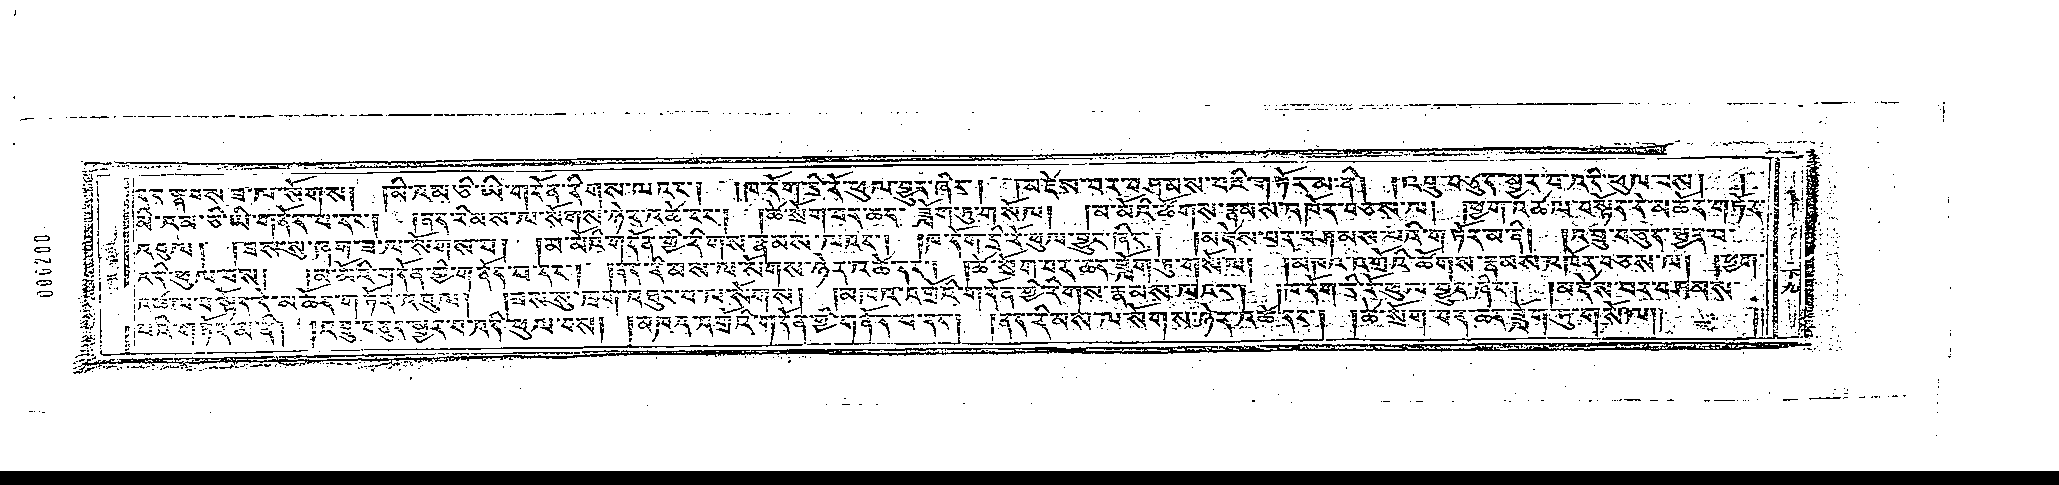དར་སྣབས་ཟ་ལ་སོགས། །མི་འམ་ཅི་ཡི་གདོན་རིགས་ལའང་། །ཁ་དོག་དྲི་རོ་ཕུལ་བྱུང་ཞིང་། །མཛེས་པར་བཤམས་པའི་གཏོར་མ་ནི། །འབྲུ་བཅུད་སྦྱར་བ་འདི་ཕུལ་བས། །
མིའམ་ཅི་ཡི་གནོད་པ་དང་། །ནད་རིམས་ལ་སོགས་ཉེར་འཚེ་དང་། །ཚེ་སྲོག་བར་ཆད་ཟློག་ཏུ་གསོལ། །མ་མོའི་ཚོགས་རྣམས་འཁོར་བཅས་ལ། །ཕྱག་འཚལ་བསྟོད་དེ་མཆོད་གཏོར་
འབུལ། །ཟས་སུ་ཞག་ཟ་ལ་སོགས་པ། །མ་མོའི་གདོན་གྱི་རིགས་རྣམས་ལའང་། །ཁ་དོག་དྲི་རོ་ཕུལ་བྱུང་ཞིང་། །མཛེས་པར་བཤམས་པའི་གཏོར་མ་ནི། །འབྲུ་བཅུད་སྦྱར་པ་
འདི་ཕུལ་བས། །མ་མོའི་གདོན་གྱི་གནོད་པ་དང་། །ནད་རིམས་ལ་སོགས་ཉེར་འཚེ་དང་། །ཚེ་སྲོག་བར་ཆད་ཟློག་ཏུ་གསོལ། །མཁའ་འགྲོའི་ཚོགས་རྣམས་འཁོར་བཅས་ལ། །ཕྱག་
འཚལ་བསྟོད་དེ་མཆོད་གཏོར་འབུལ། །ཟས་སུ་ཁྲག་འཐུང་བ་ལ་སོགས། །མཁའ་འགྲོའི་གདོན་གྱི་རིགས་རྣམས་ལའང་། །ཁ་དོག་དྲི་རོ་ཕུལ་བྱུང་ཞིང་། །མཛེས་པར་བཤམས་
པའི་གཏོར་མ་ནི། །འབྲུ་བདུད་སྦྱར་བ་འདི་ཕུལ་བས། །མཁའ་འགྲོའི་གདོན་གྱི་གནོད་པ་དང་། །ནད་རིམས་ལ་སོགས་ཉེར་འཚེ་དང་། །ཚེ་སྲོག་བར་ཆད་ཟློག་ཏུ་གསོལ།། །